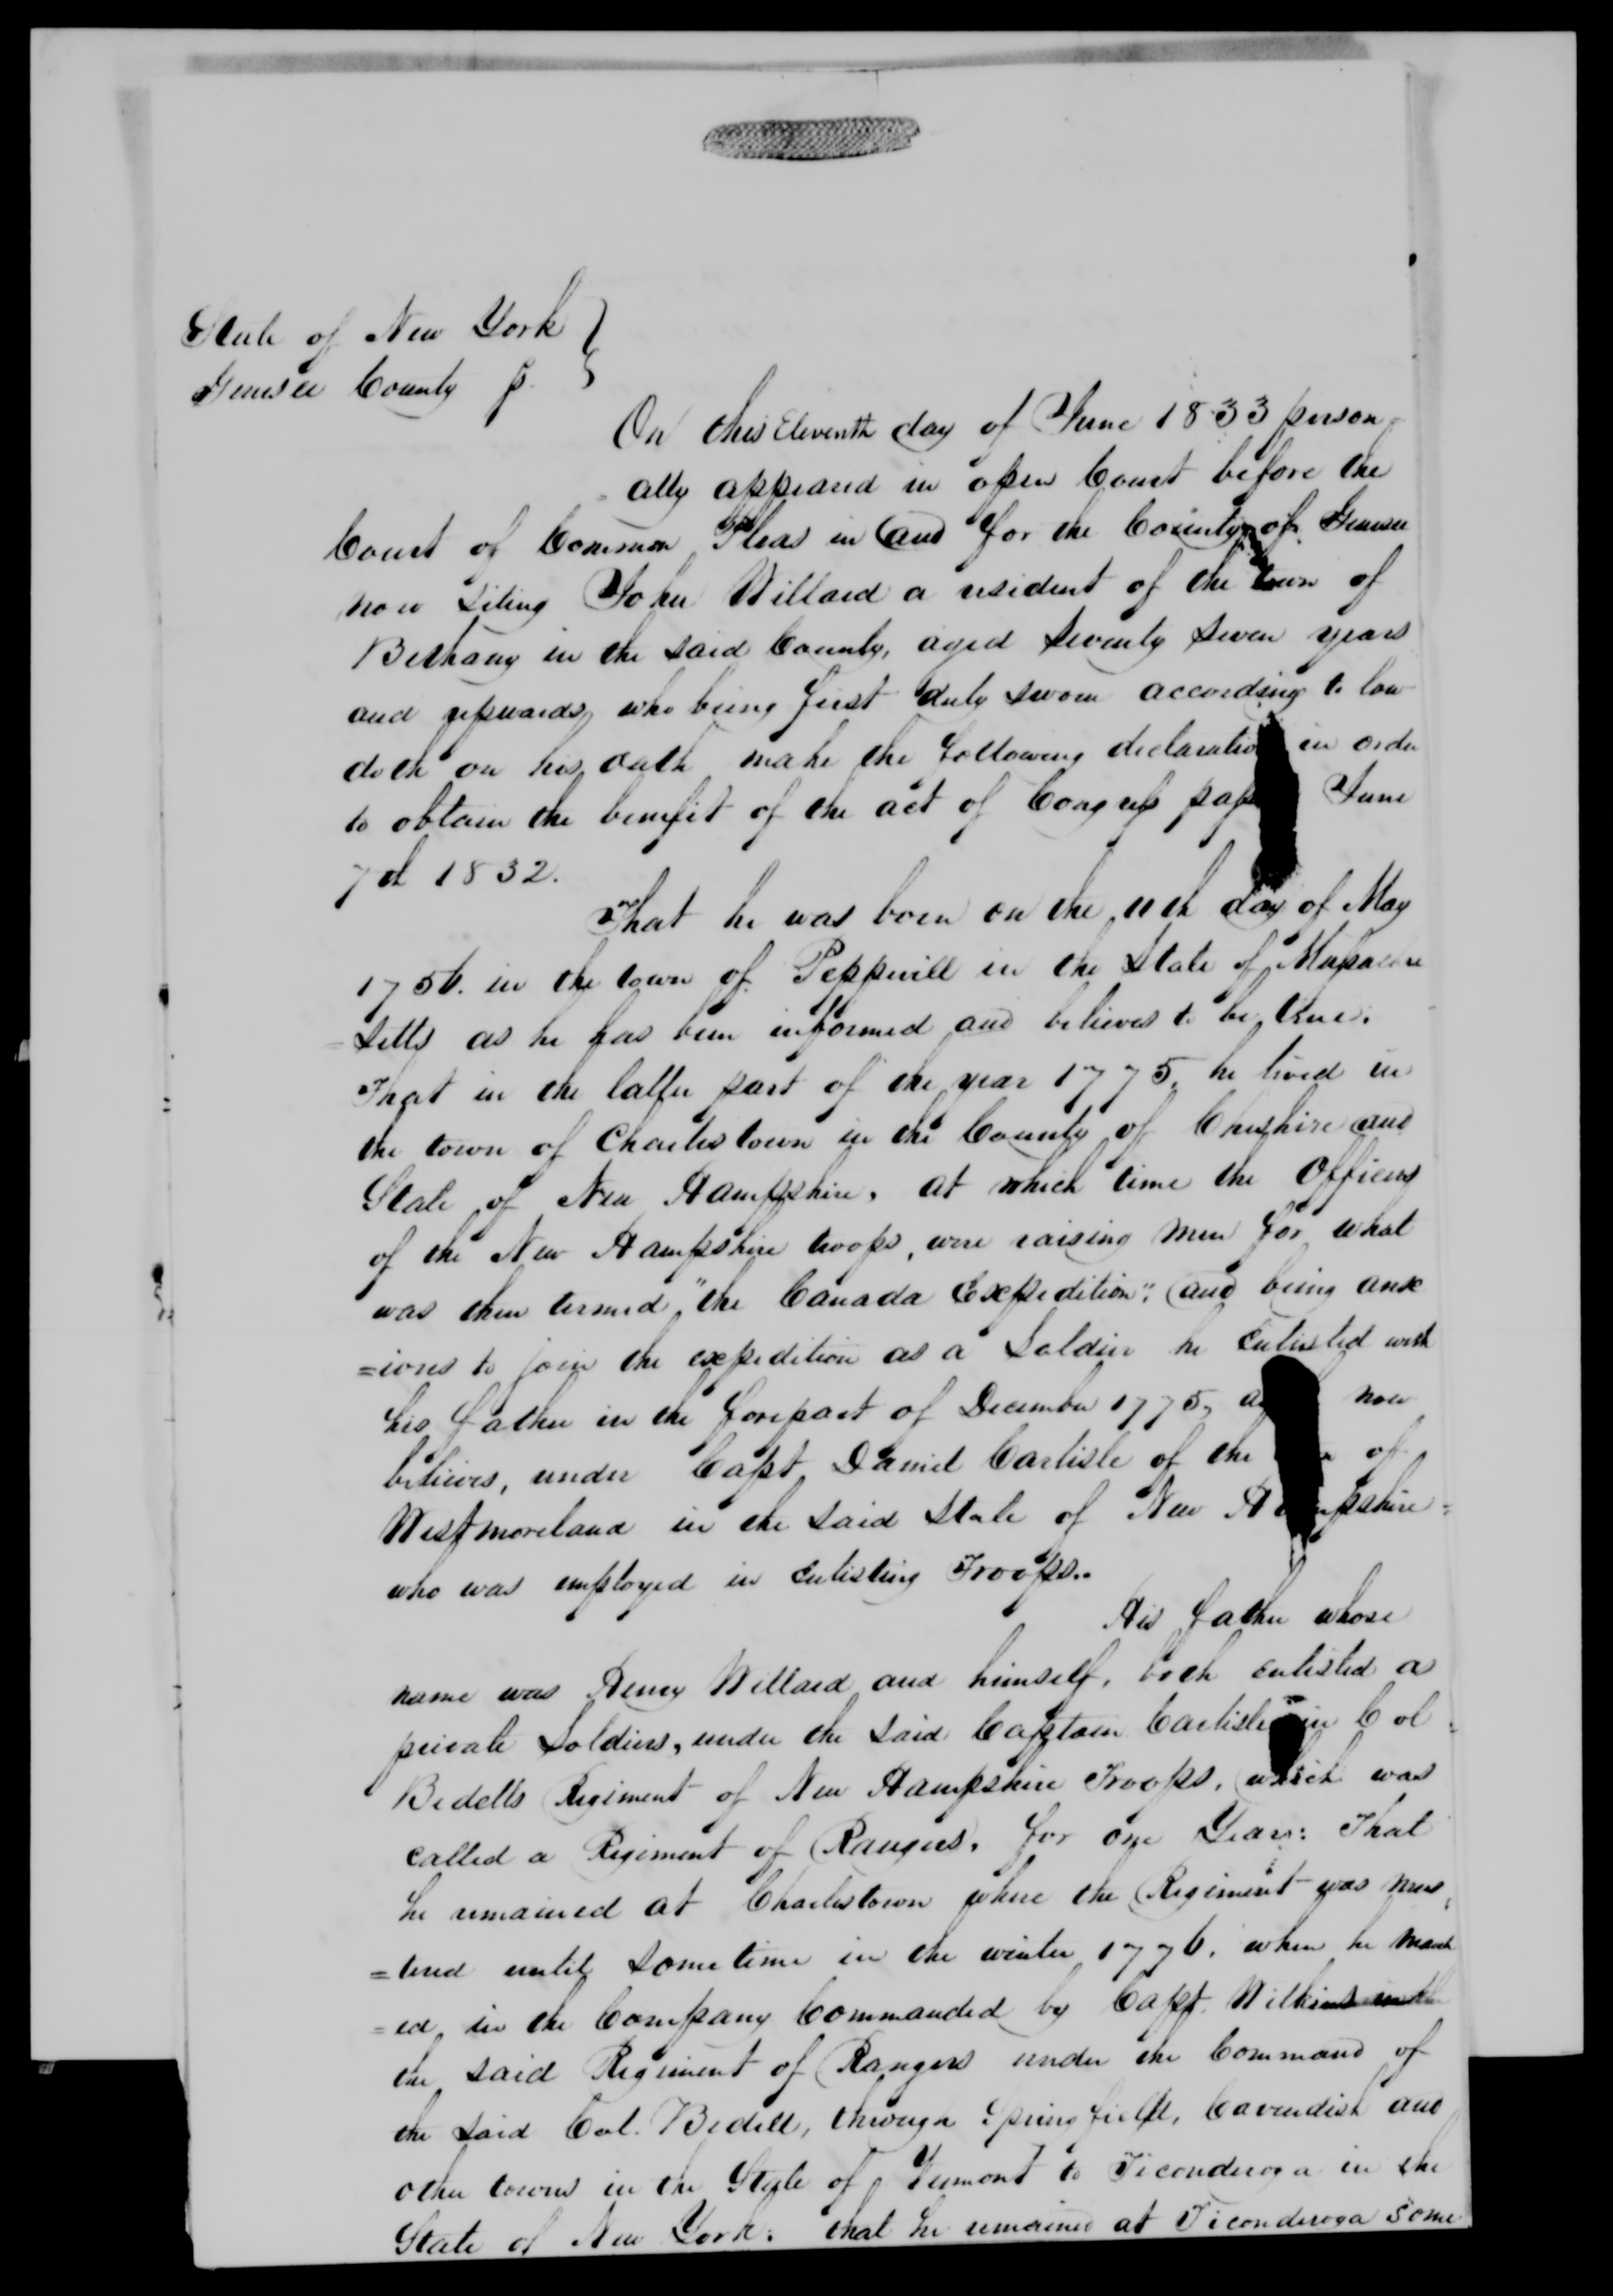State of New York
Genesee County ss
On this Eleventh day of June 1833 personally appeared in open Court before the
Court of Common Pleas in and for the County of Genesee
now siting John Willard a resident of the town of
Bethany in the said County, aged Seventy seven years
and upwards who being first duly sworn according to law
doth on his oath make the following declaration in order
to obtain the benefit of the act of Congress pass June
7th 1832.
That he was born on the 4th day of May
1756 in the town of Pepperell in the State of Massachusetts as he has been informed and believes to be true.
That in the latter part of the year 1775, he lived in
the town of Charlestown in the County of Cheshire and
State of New Hampshire, at which time the Officers
of the New Hampshire troops were raising men for what
was then termed "the Canada Expedition, and being and
ion to join the expedition as a soldier he enlisted with
his father in the forepart of December 1775, now
believes, under Capt, Daniel Carlisle of the
Westmoreland in the said State of New Hampshire
who was employed in enlisting troops
His father whose
name was Henry Willard and himself, both enlisted a
private Soldiers, under the said Captain Carlisle Col
Bedells Regiment of New Hampshire Troops, which was
called a Regiment of Rangers, for one years: That
he remained at Charlestown where the Regiment was a
mustered until some time in the winter 1776 when he may
in the Company commanded by Capt Wilkins
the said Regiment of Rangers under the command of
the said Col Bedell, through Springfield, Cavendish and
other town in the State of Vermont to Ticonderoga in the
State of New York. that he remain at once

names: Daniel Carlisle, Henry Willard, John Willard, Wilkins, Bidell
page: 7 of 18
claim: survivor's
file: S. 11848, John Willard, N. H.